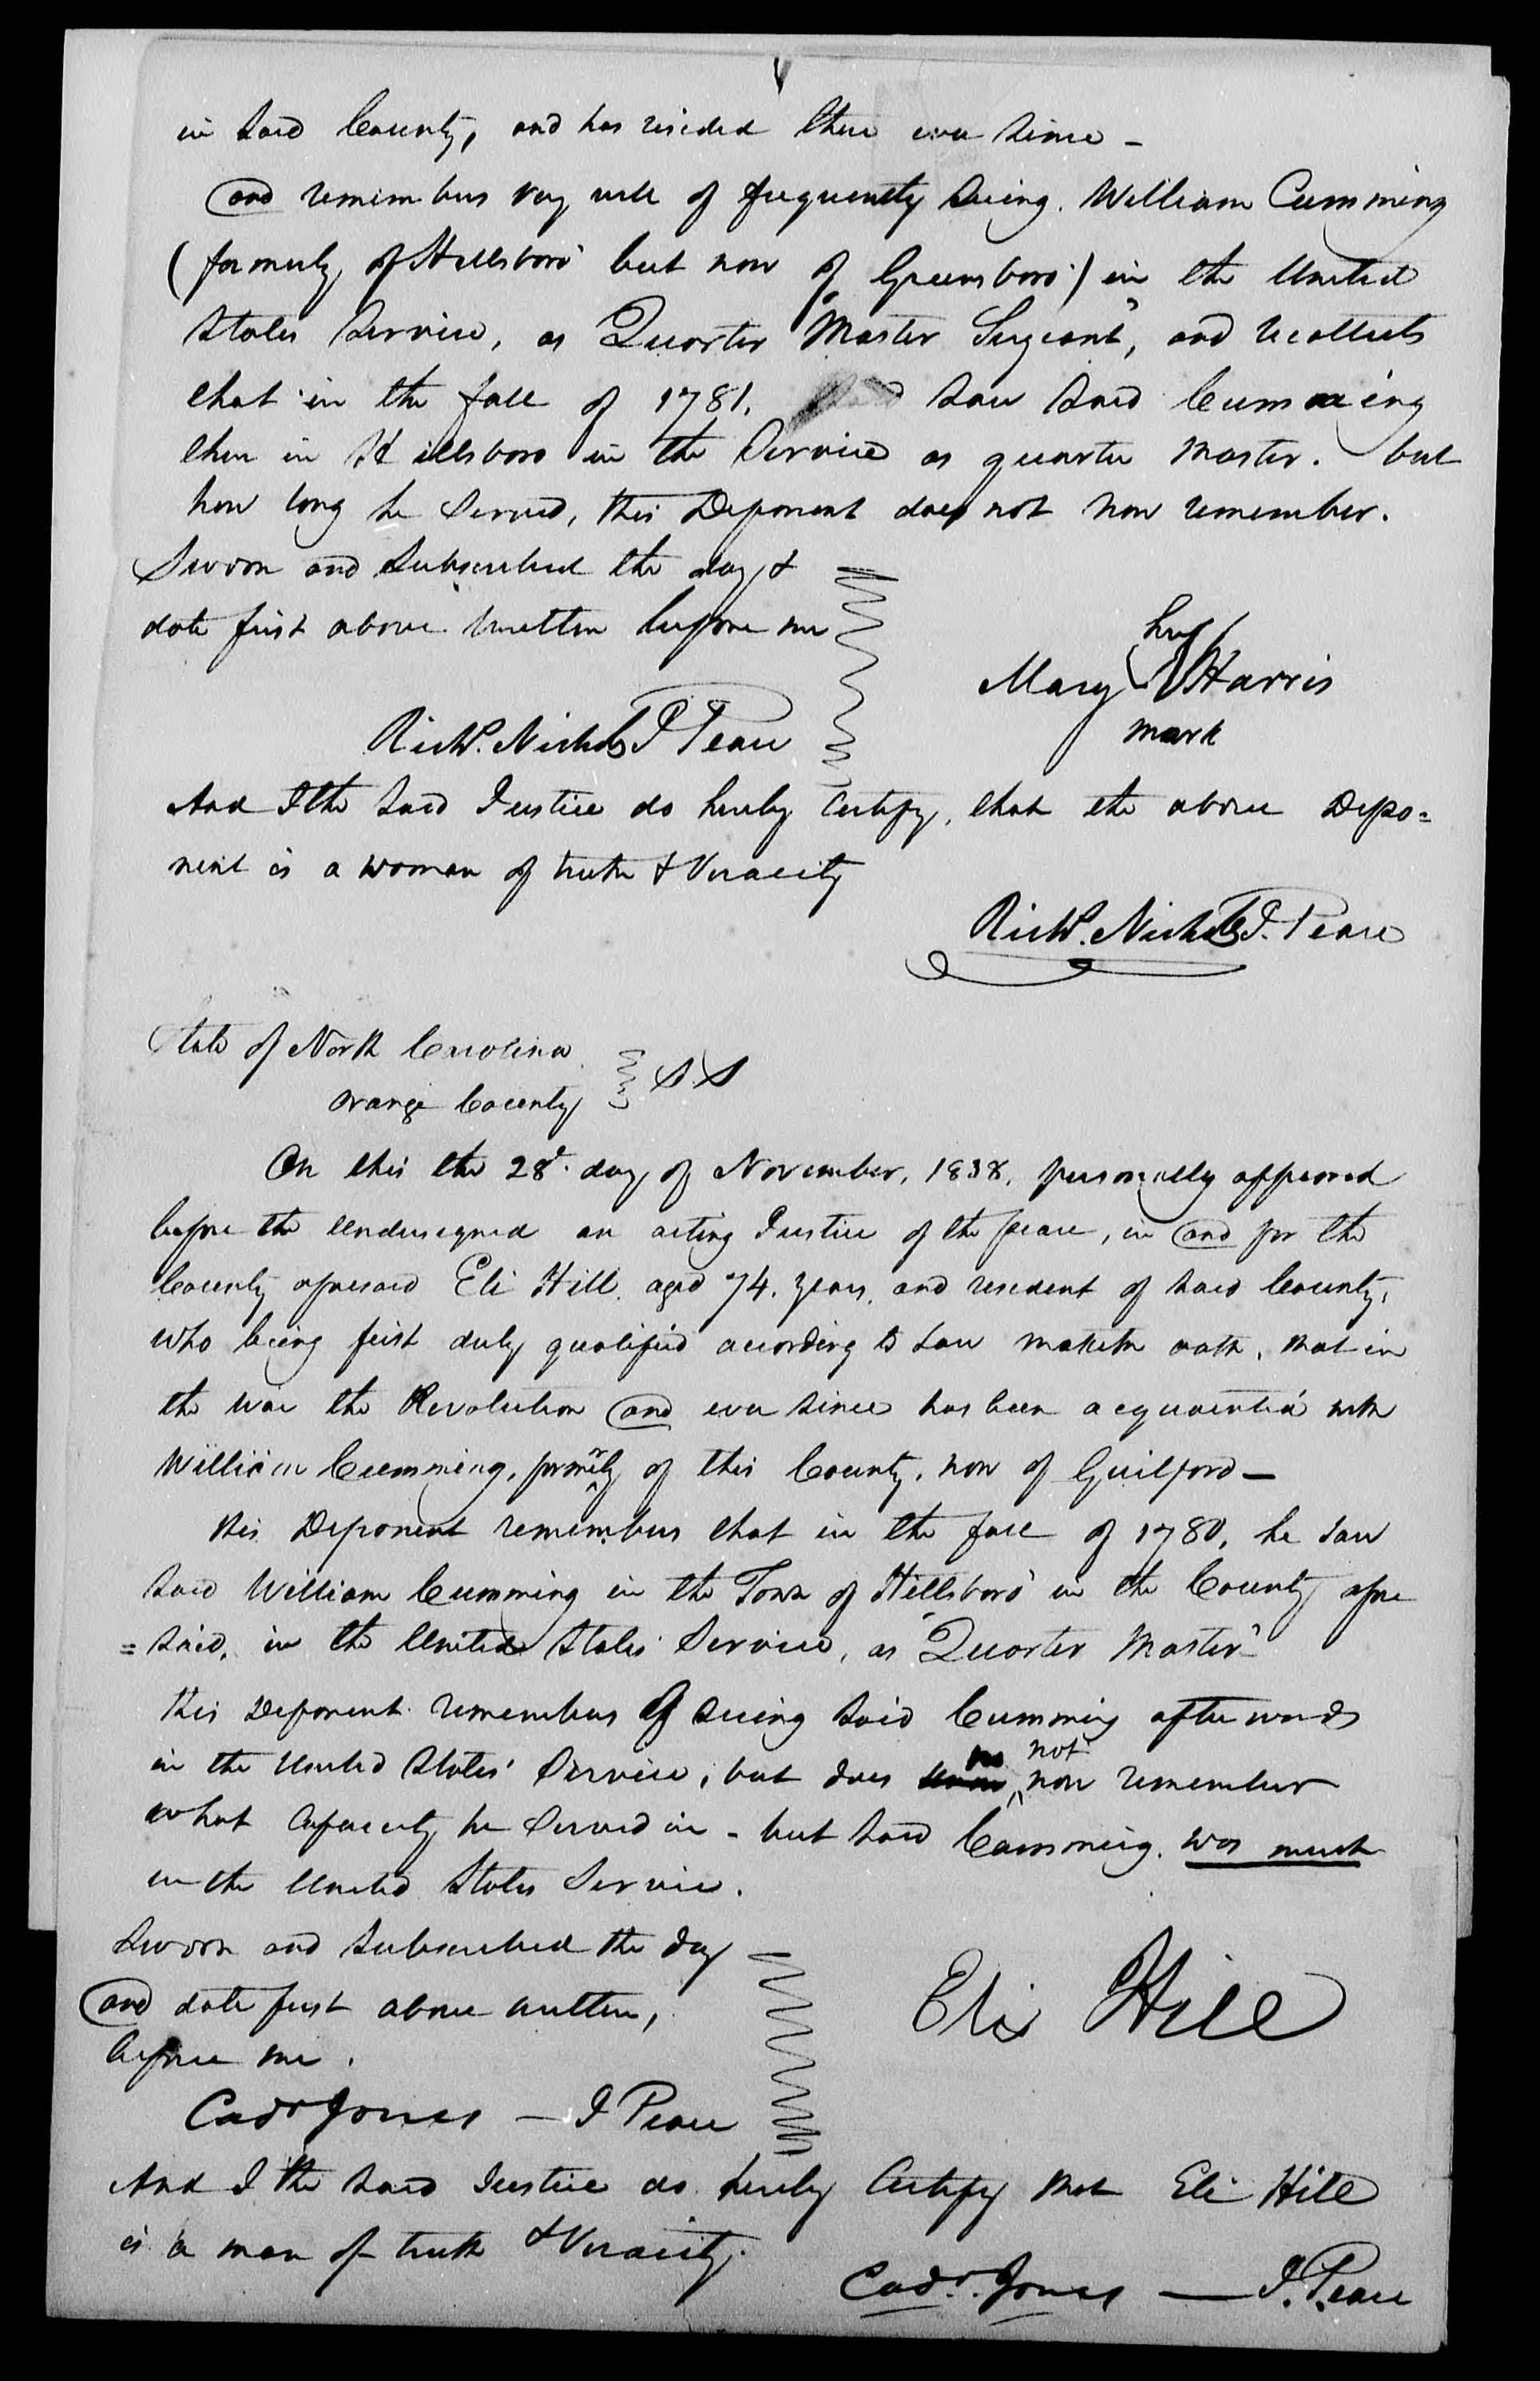[Handwritten record, continued.]

in Said County, and has resided there ever Since - 

and remembers Very well of frequently Seeing. William Cumming (formerly of Hillsboro' but now of Greensboro') in the United States Service, as Quarter Master Sergeant,' and recollects that in the fall of 1781, [here it looks like the word "said" was erased] Saw Said Cumming then in Hillsboro in the Service as quarter Master. but how long he Served, this Deponent does not now remember.

[Signature, with "her mark" written in between the given and surname, and what looks like the deponent Mary Harris's hand-drawn mark]  Mary ["her mark" with her mark going in four directions] Harris

Sworn and Subscribed the day and)
date first above written before me)
[Sgnature] Richd. [Richard] Nichols J Peace [Justice of the Peace])

And I the Said Justice do hereby Certify, that the above Deponent is a Woman of truth and Veracity
[Signature] Richd. Nichols J. Peace [Justice of the Peace]
[flourish]

[In slightly lighter ink, and different handwriting:]
State of North Carolina)
Orange County) SS

On this the 28th day of November, 1838, personally appeared before the Undersigned an acting Justice of the peace, in and for the County aforesaid Eli Hill. aged 74 years, and resident of Said County, who being first duly qualified according to Law Maketh oath, that in the war the Revolution and ever Since has been acquainted with William Cumming, forme^rly [formerly] of this County, now of Guilford - 

this Deponent remembers that in the fall of 1780, he Saw Said William Cumming in the Town of Hillsboro' in the County aforeSaid, in the United States Service, as 'Quarter Master'-

This Deponent remembers of seeing Said Cumming afterwards in the United States' Service, but does [here "know" and "no" were stricken through] ^ not now remember what Capacity he Served in - but Said [or Saw] Cumming. [here the next two words are underlined:] was much with United States Service.
[Signature] Eli [or ? Elis] Hill

Sworn and Subscribed the day) 
and date first above written,)
before me.)
[Illegible first name of the following signature, appears to read:] Cadr Jones - J Peace) [Justice of the Peace]

And I the Said Justice do hereby Certify that Eli Hill is a man of truth and Veracity.
[Signature] Cadr. Jones - J. Peace [Justice of the Peace]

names: Cumming, Richs Nichols, Cumming, William Cumming, Cadr Jones, Eli Hill, William Cumming, Mary Harris, William Cumming, Cumming, Eli Hill, Richs Nichols, Eli Hill, Cadr Jones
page: 123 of 145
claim: survivor's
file: S. 8265, William Cumming, N.C.